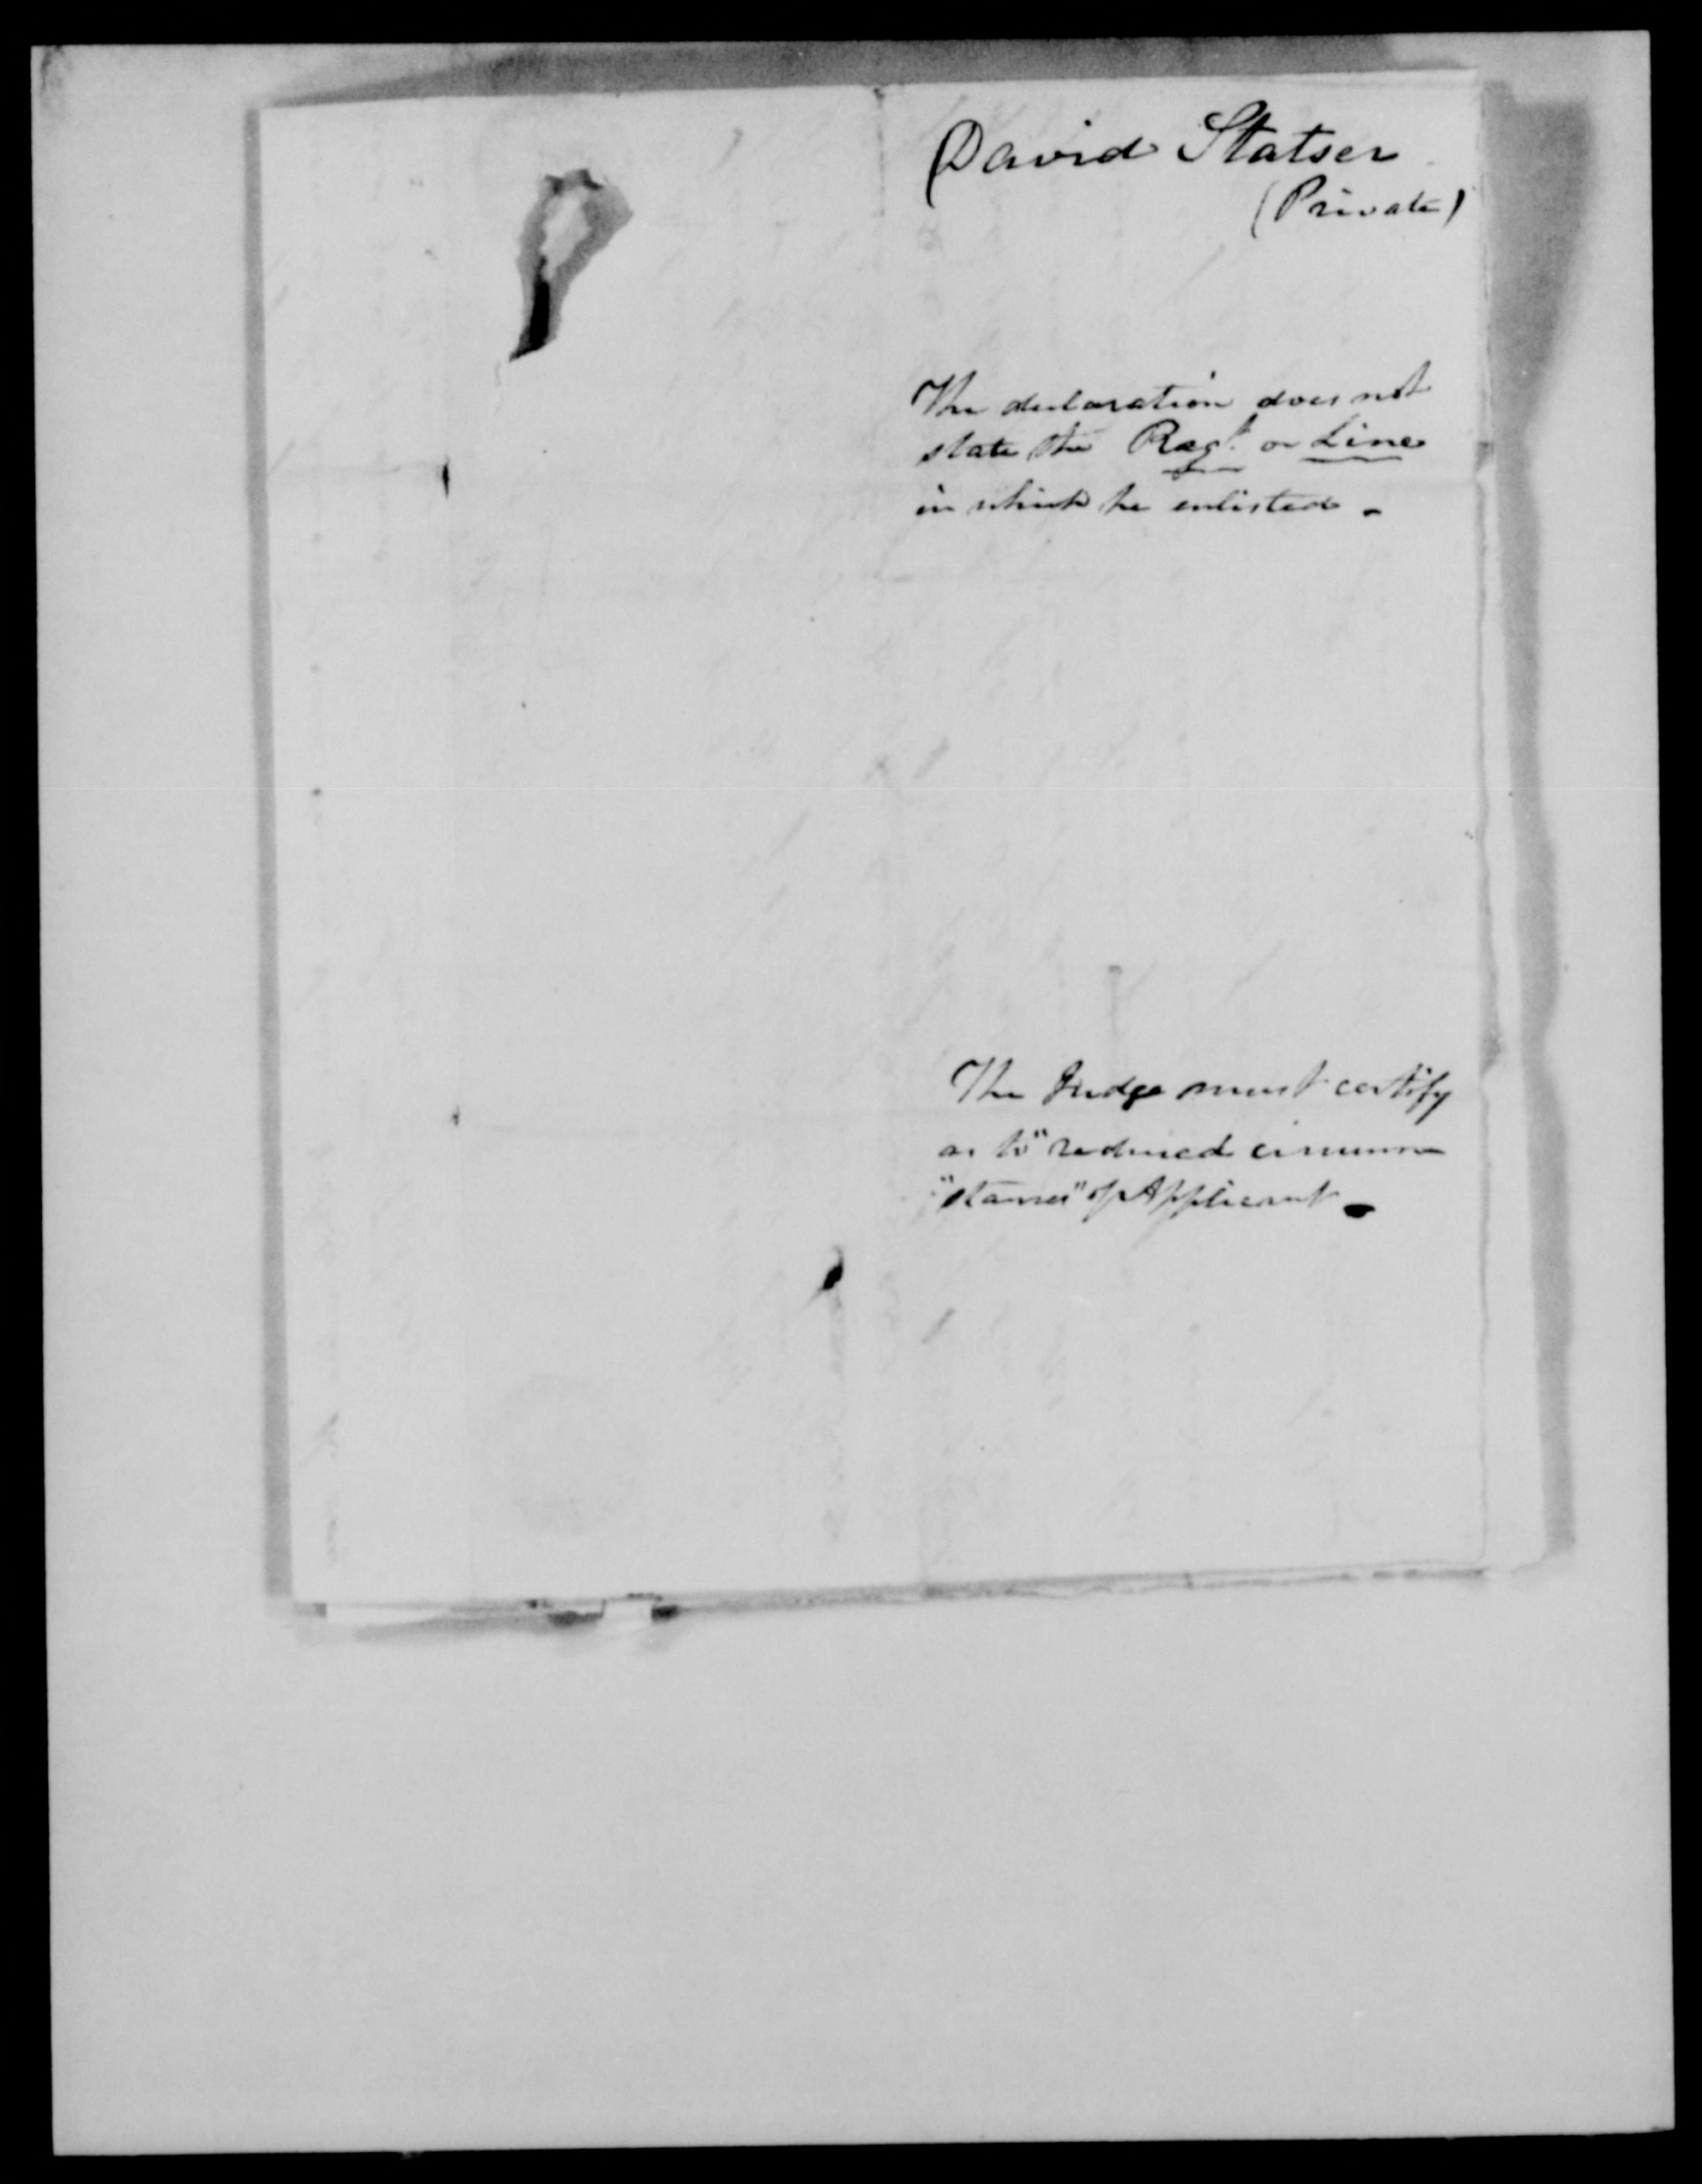David Statser
(Private)
The declaration does not state the regiment or line in which he enlisted.
The Judge must certify as to reduced circumstances [illegible] of applicant.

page: 8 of 28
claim: widow's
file: W. 3163, for David Statser, Pennsylvania